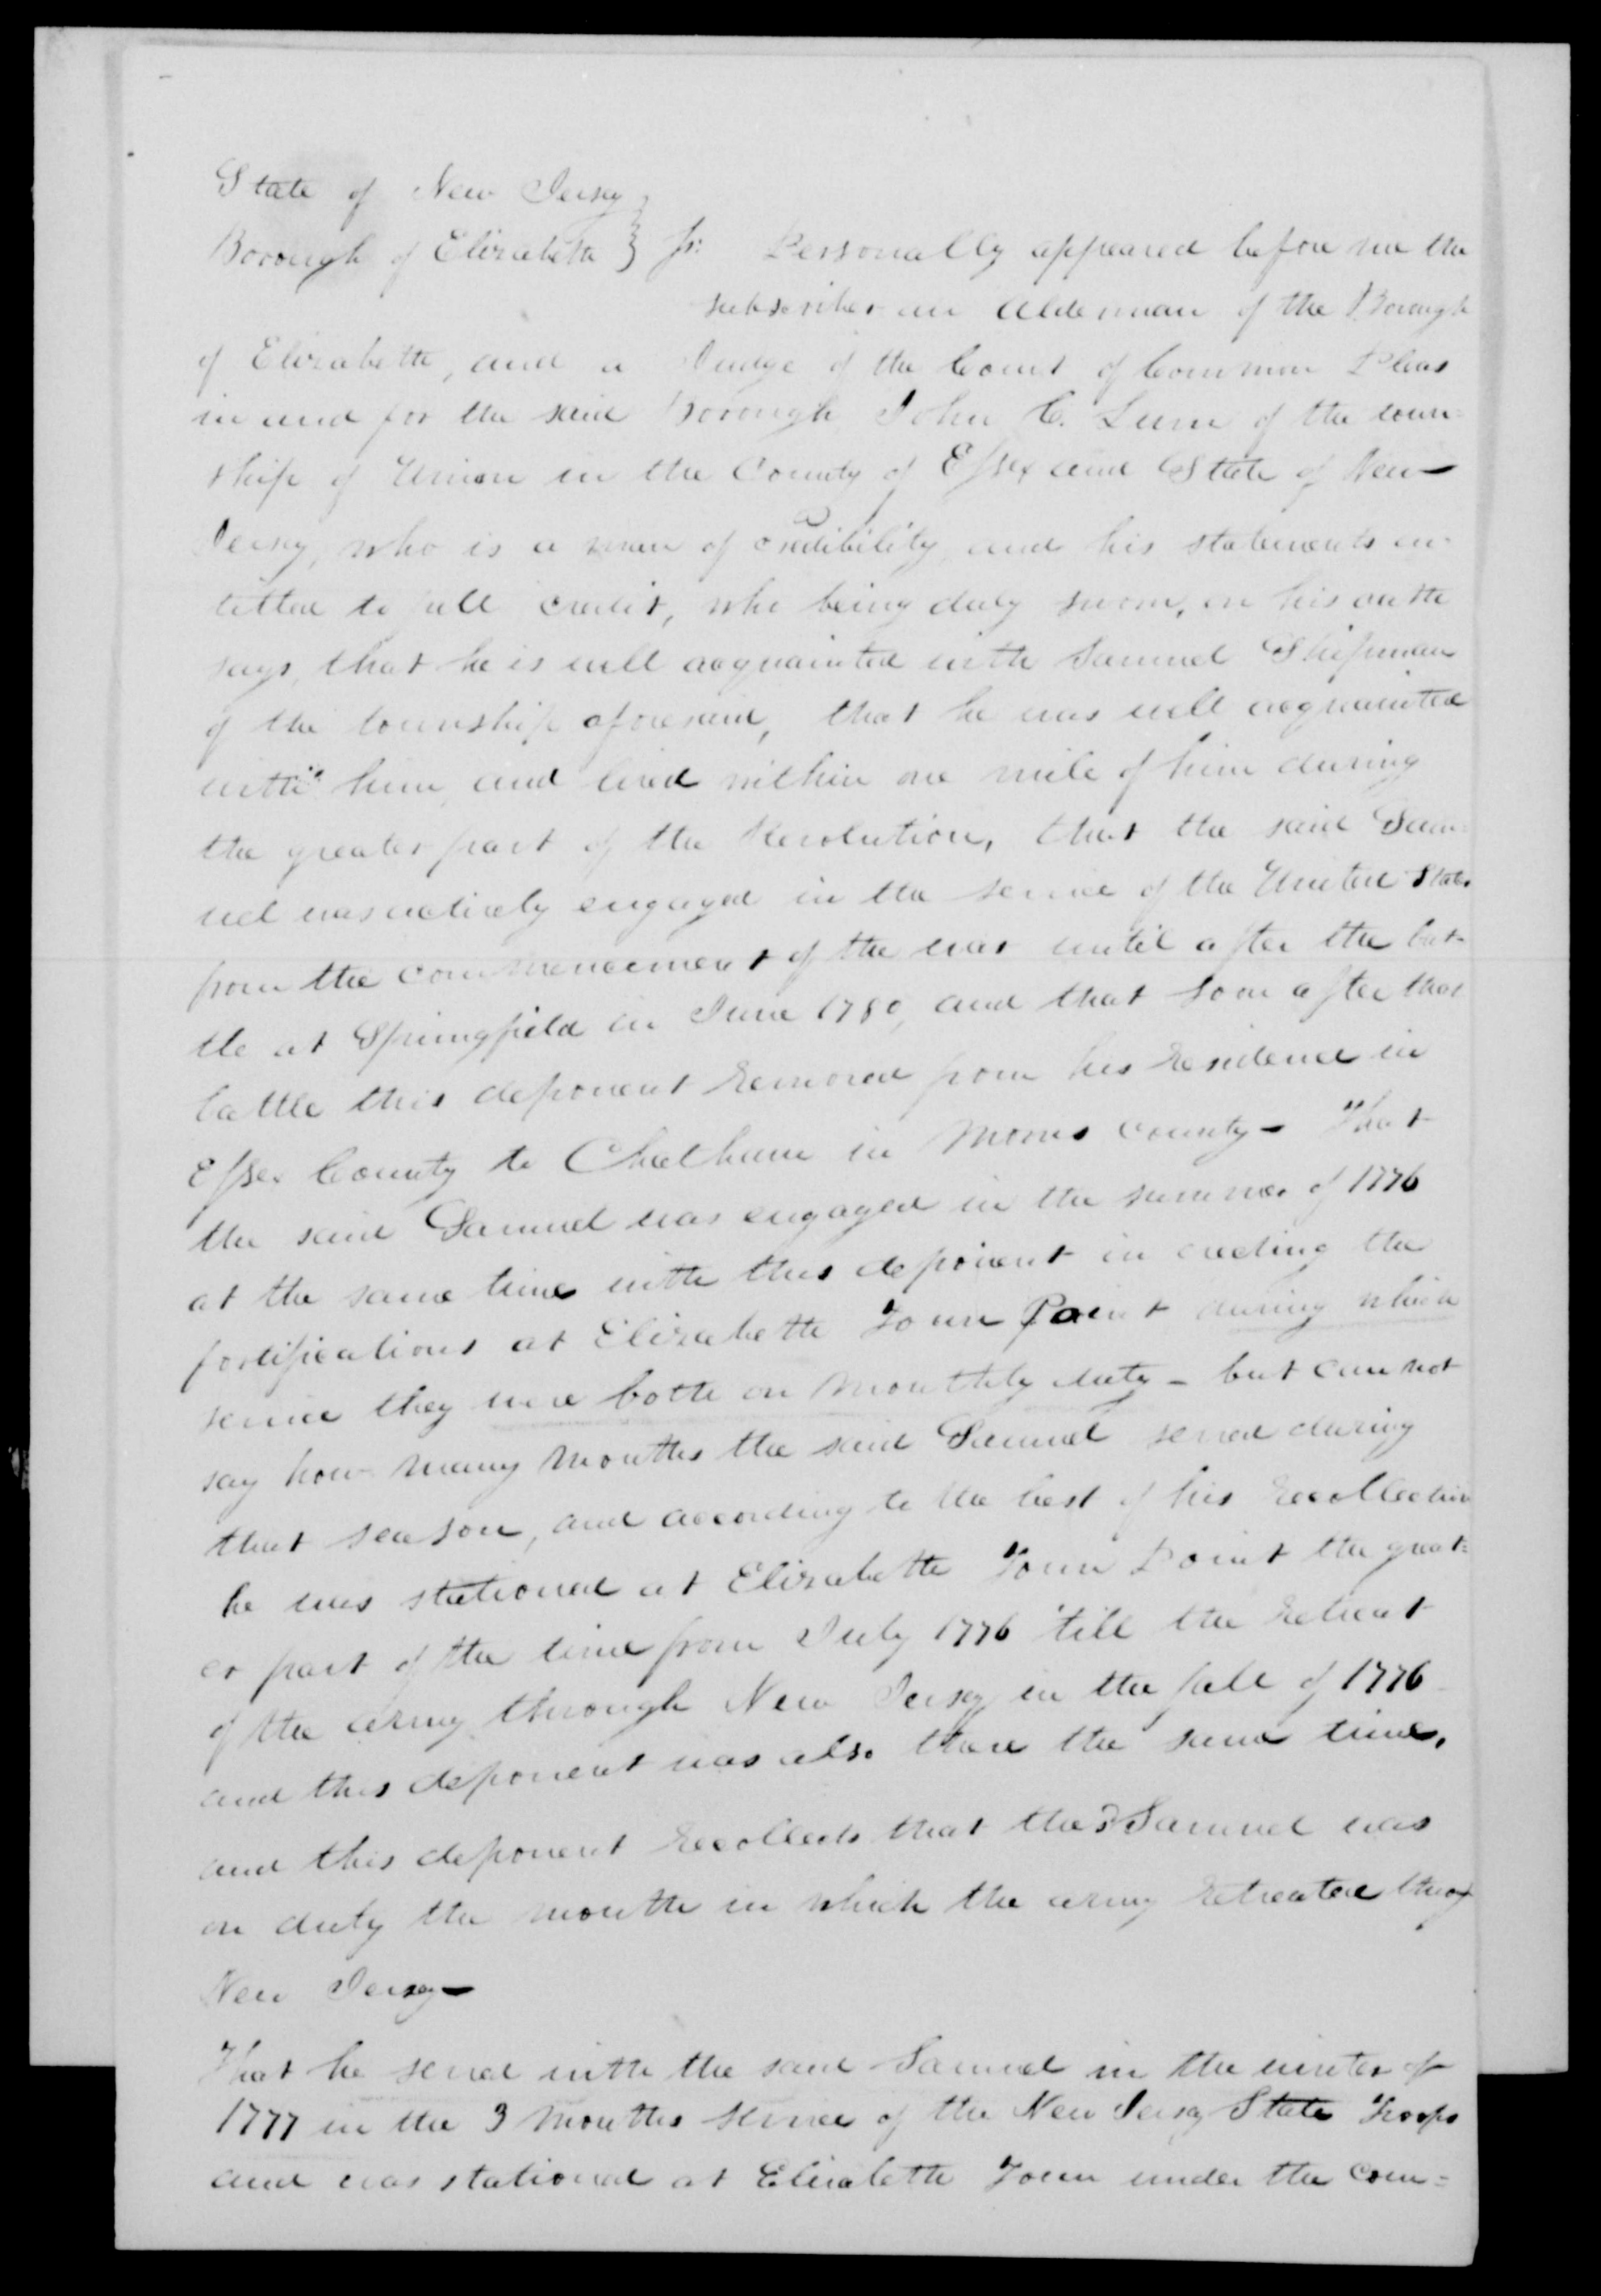State of New Jersey }
Borough of Elizabeth } SS:  Personally appeared before me the subscriber an Alderman of the Borough of Elizabeth, and a Judge of the Court of Common Pleas in and for the said Borough John C. Lunn of the township of Union in the County of Essex and State of New Jersey, who is a man of credibility and his statements entitled to full credit, who being duly sworn, on his oath says that he is well acquainted with Samuel Shipman of the township aforesaid, that he was well acquainted with him and lived within one mile of him during the greater part of the Revolution, that the said Samuel  was actively engaged in the service of the United States from the commencement of the war until after the battle at Springfield in June 1780, and that soon after that battle this deponent removed from his residence in Essex County to Chatham in Morris County. That the said Samuel was engaged in the summer of 1776
at the same time with this deponent in erecting the fortifications at Elizabeth Town Point during which service they were both on monthly duty-- but cannot say how many months the said Samuel served during that season, and according to the best of his recollection he was stationed at Elizabeth Town point the greater part of the time from July 1776 till the retreat
of the army through New Jersey in the fall of 1776 and this deponent was also there the same time, and this deponent recollects that the sd Samuel was on duty the month in which the army retreated through New Jersey-

That he served with the said Samuel in the winter of 1777 in the 3 months stance of the New Jersey State Troops and was stationed at Elizabeth Town under the com-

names: Samuel [BLANK]; Samuel [BLANK]; Samuel [BLANK]; Samuel Shipman; Samuel [BLANK]; John H Lum; Samuel [BLANK]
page: 22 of 44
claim: survivor's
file: S. 912, for Samuel Shipman, New Jersey